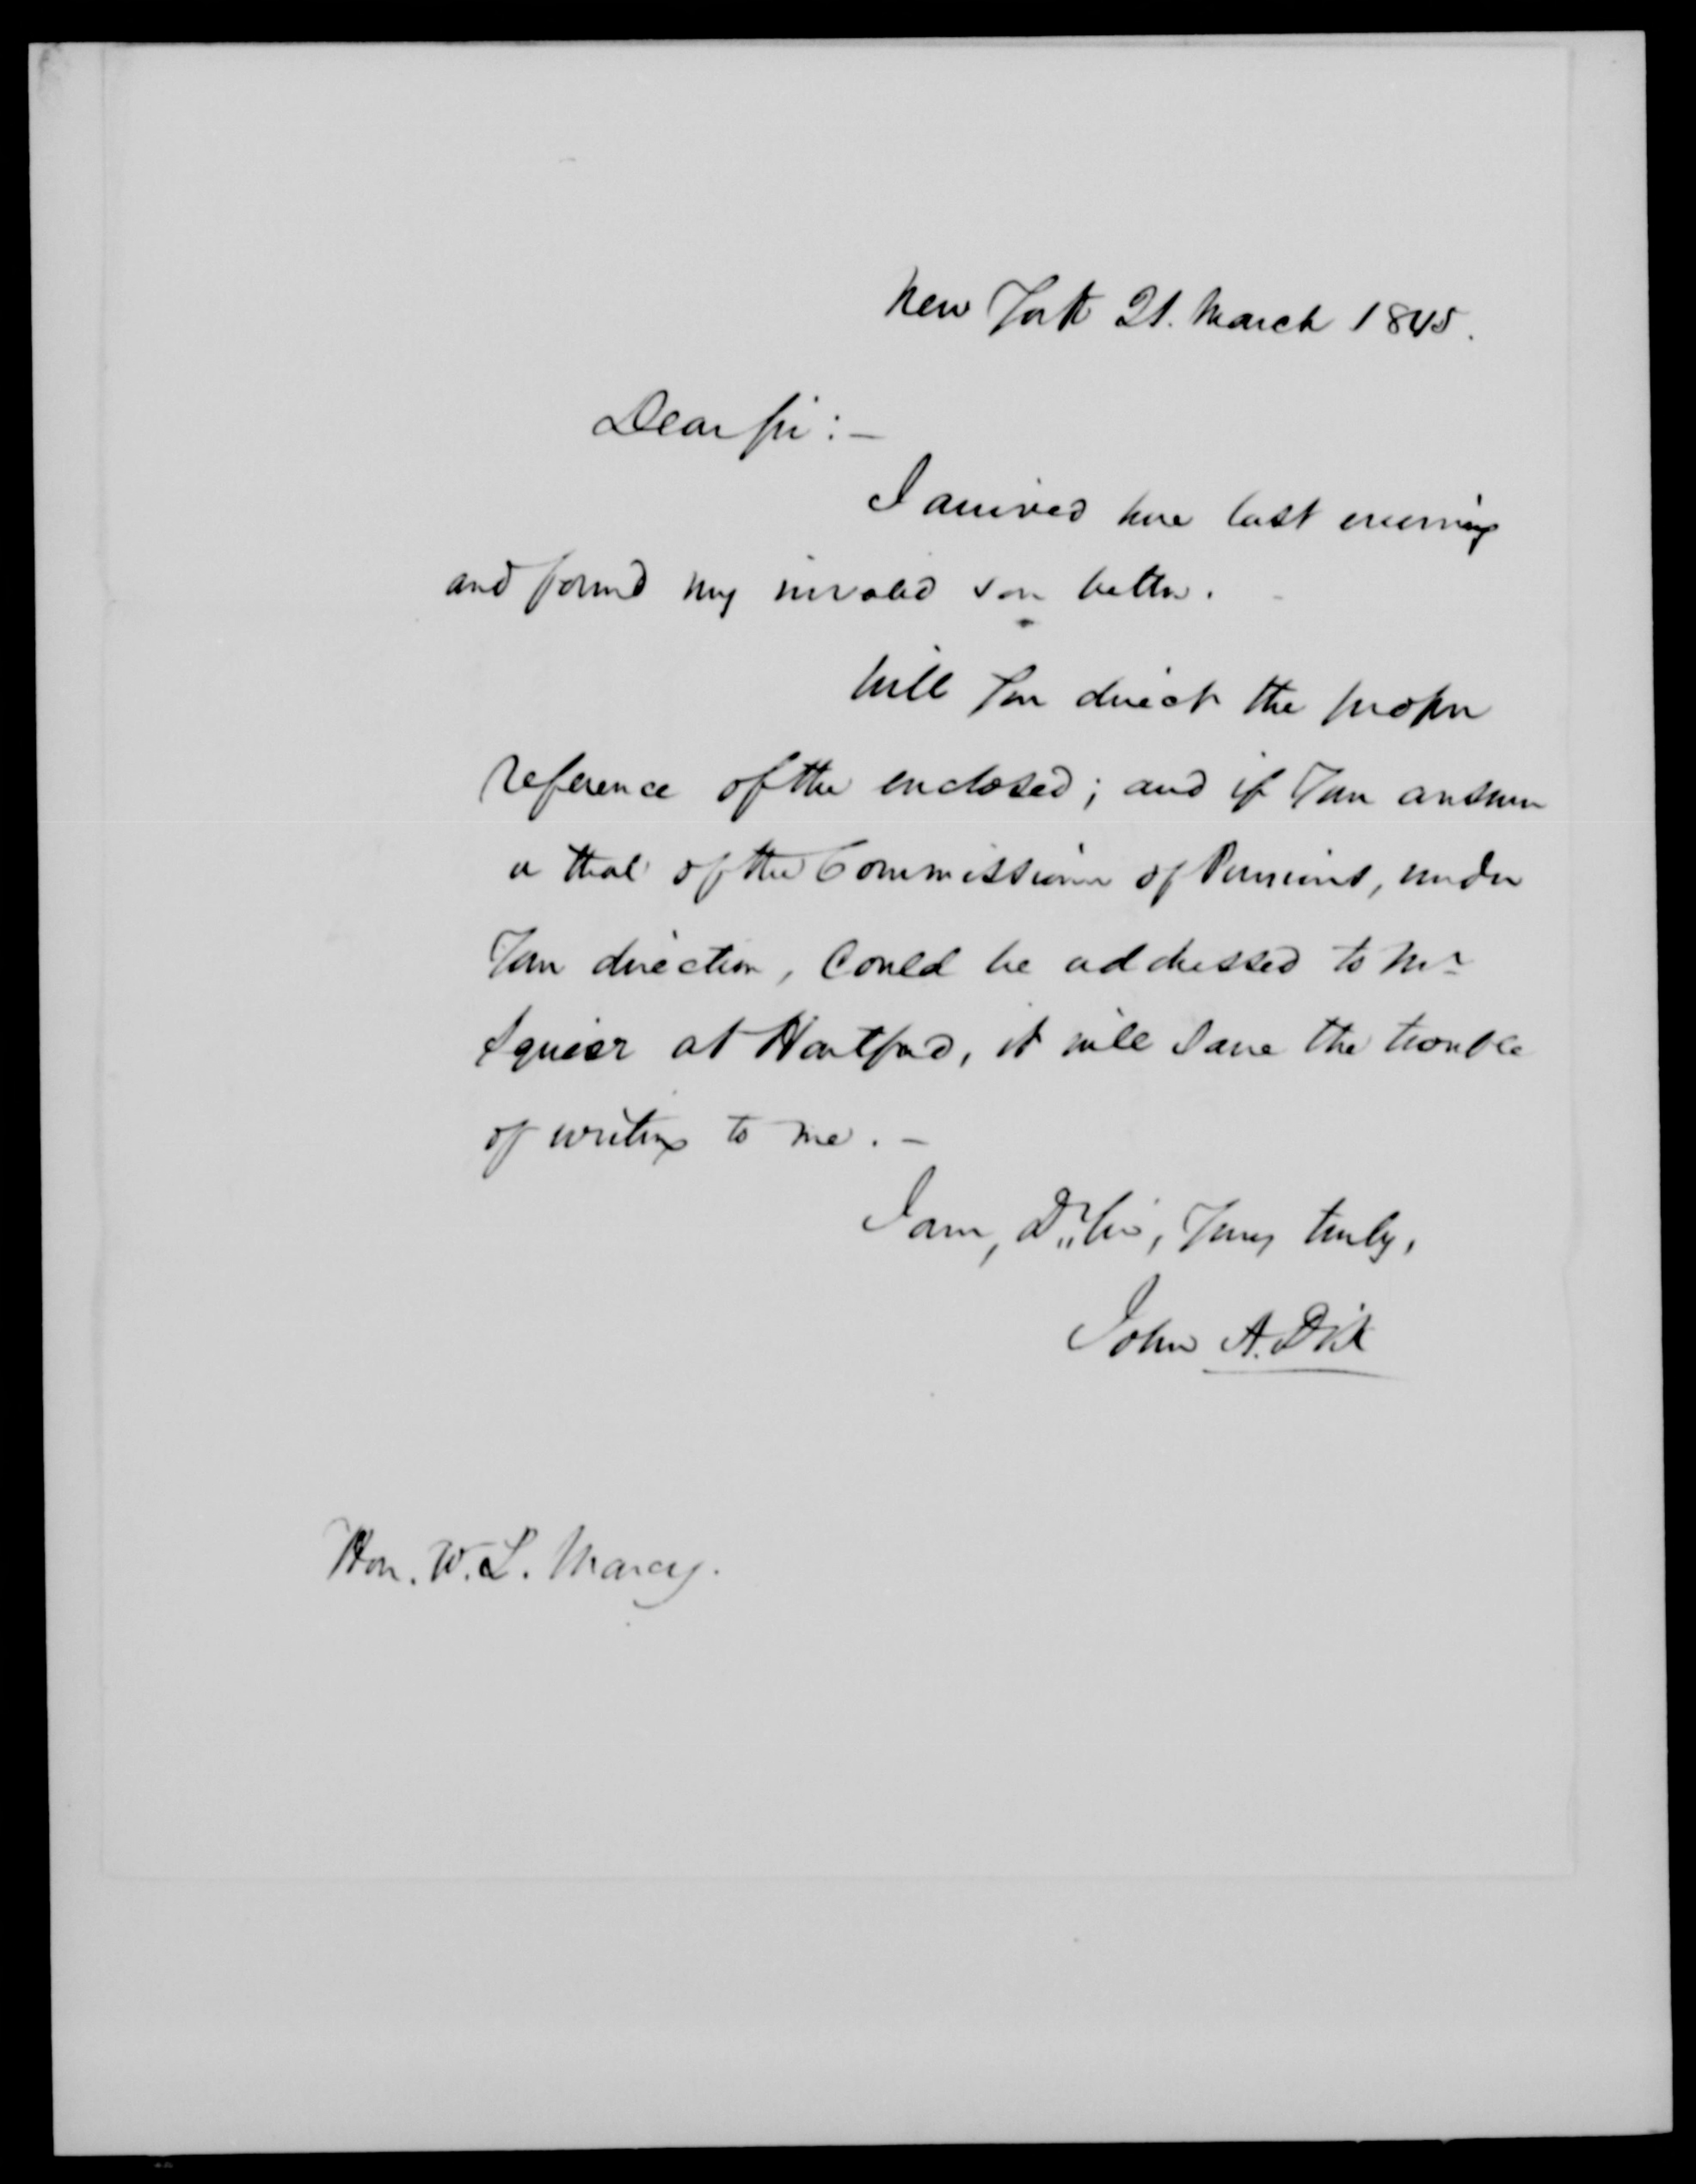New York, 21 March 1845.
Dear Sir:-
I arrived here last evening and formed my [illegible] am better. 
Will for [illegible] the Mom reference of the enclosed; and if You answer a that of the Commission of Pensions, under Your direction, could be addressed to Mr. Squier at Hartford, it will the trouble of writing to me. -

I am, [illegible], yours Truly, 
John A. Dix  

Hon. W. L Marcy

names: [BLANK] Squier; John A Dix; W L Marcy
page: 47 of 70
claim: rejected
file: R. 10,026, for Ephraim Squier, Connecticut